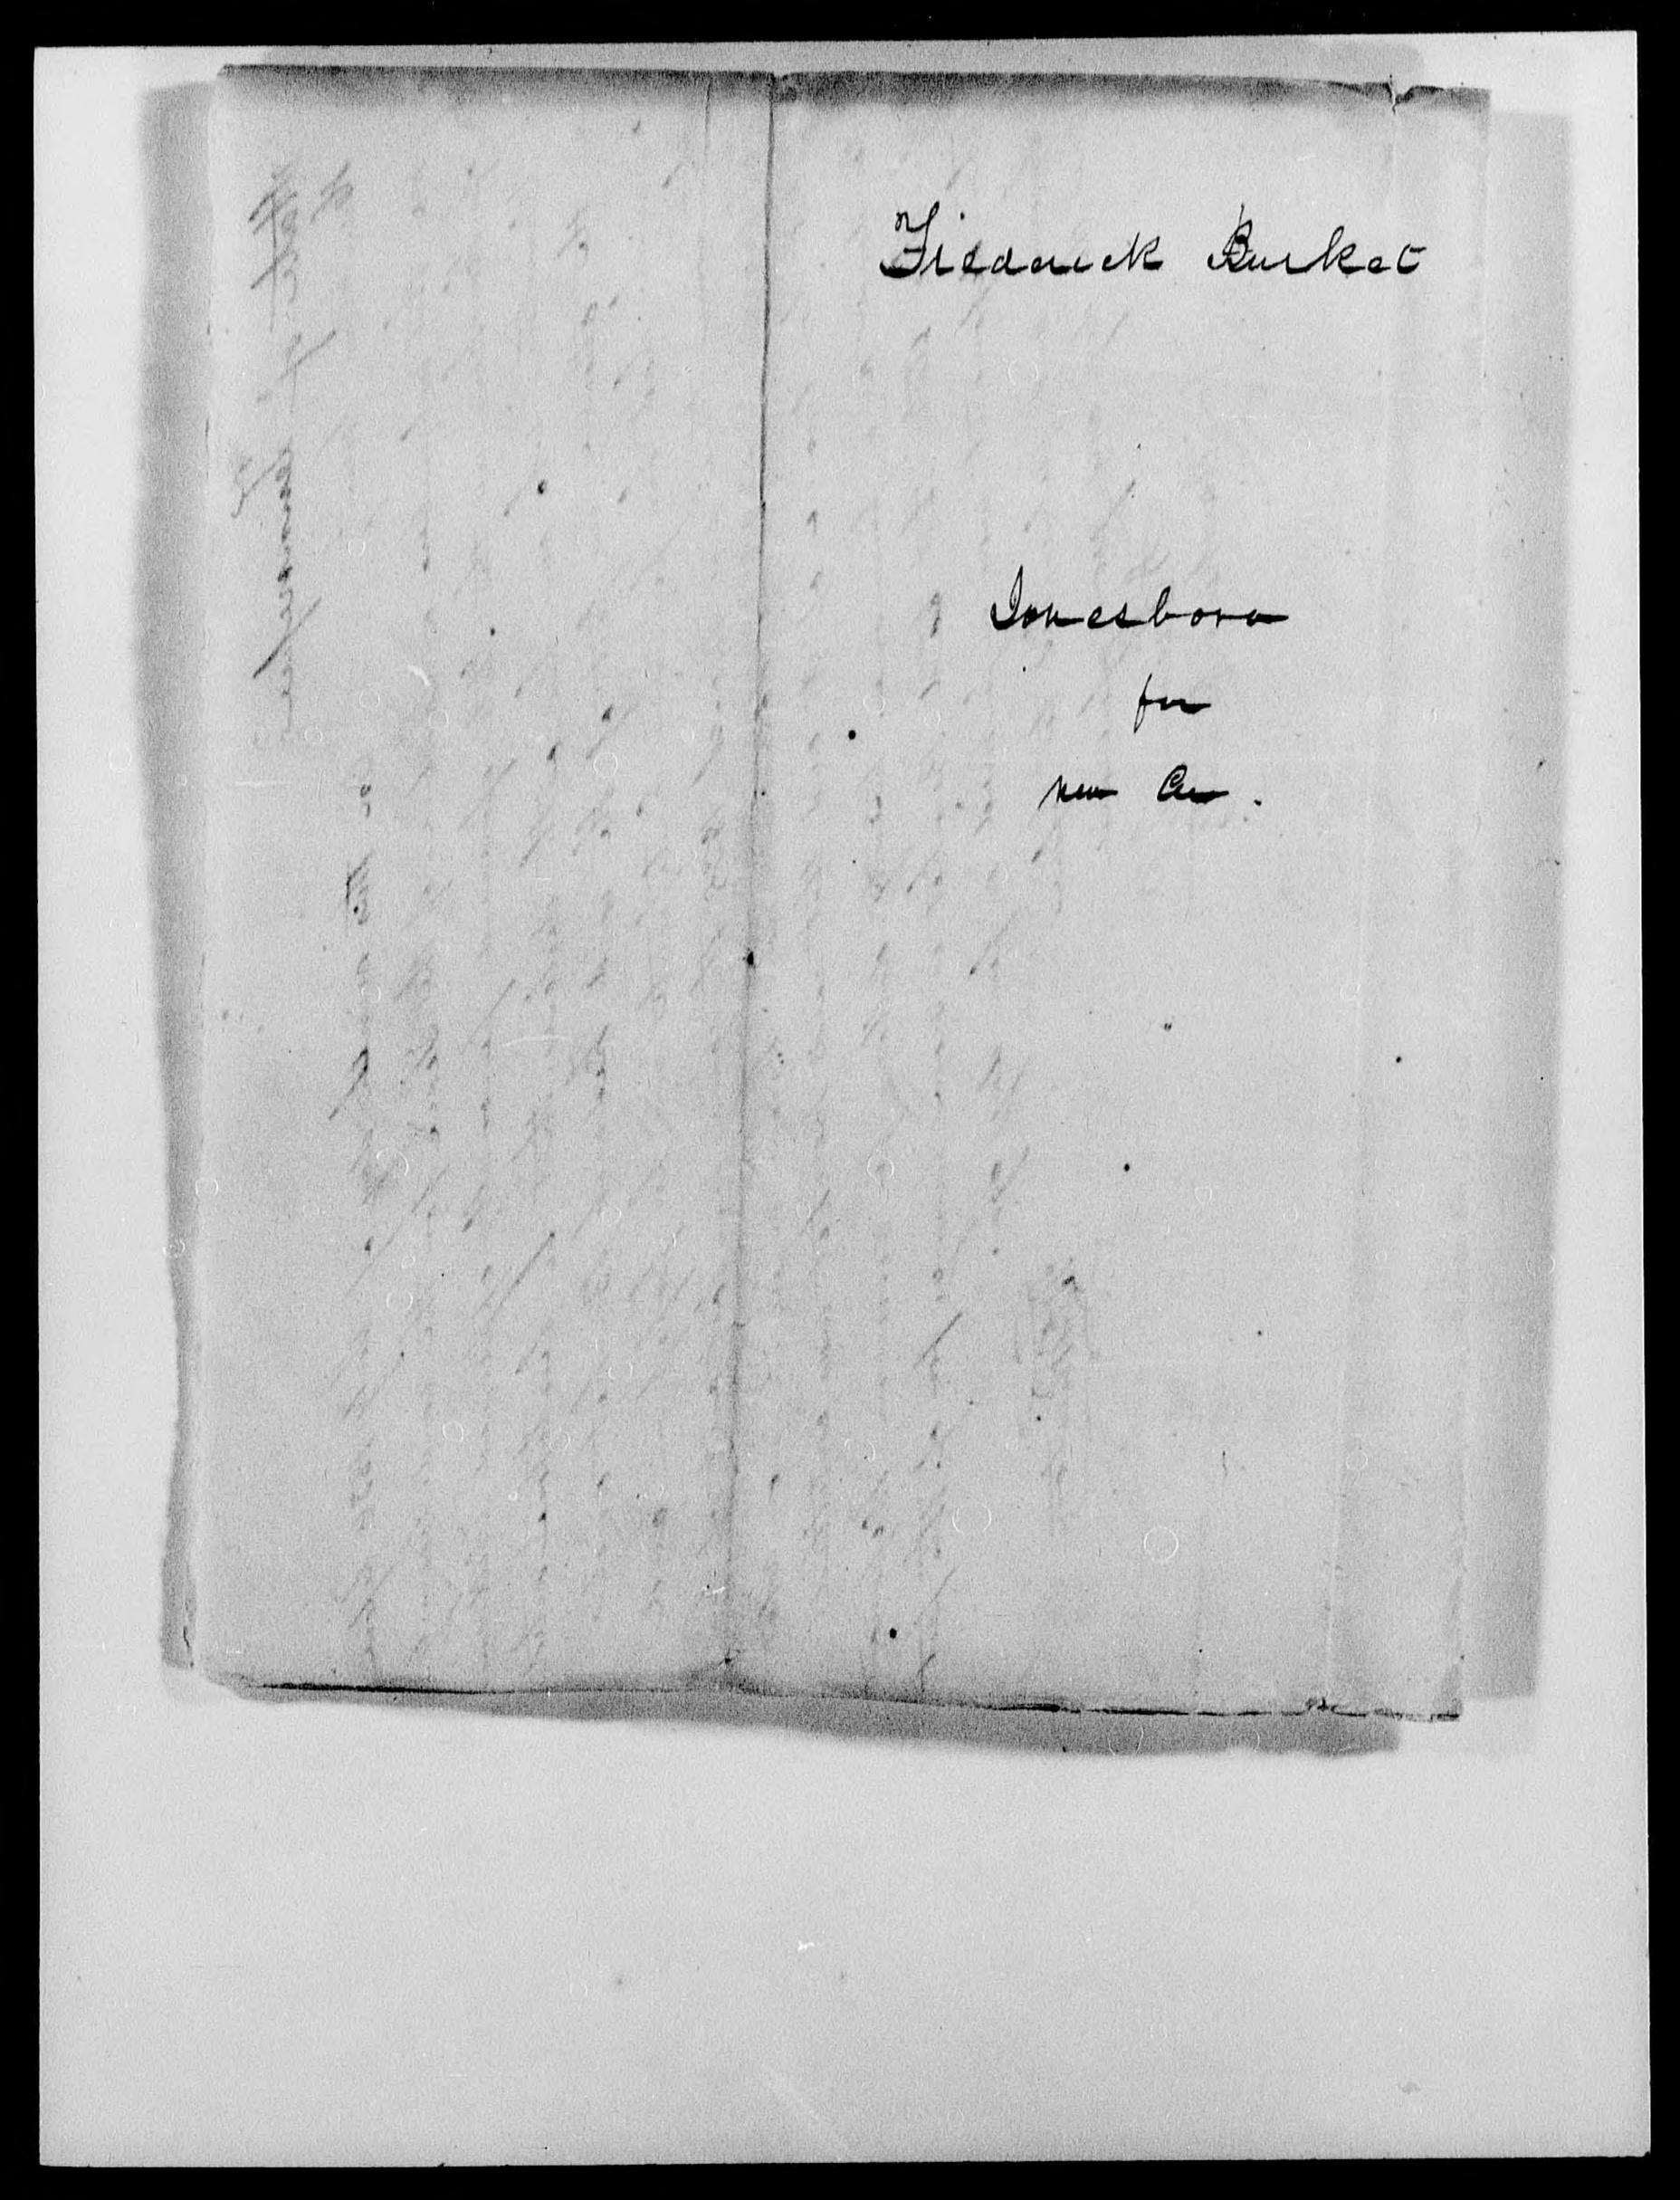Frederick Burket

Jonesboro
for 
new Au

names: Frederick Burket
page: 16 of 47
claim: survivor's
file: S. 3102, Frederick Burket, Va.